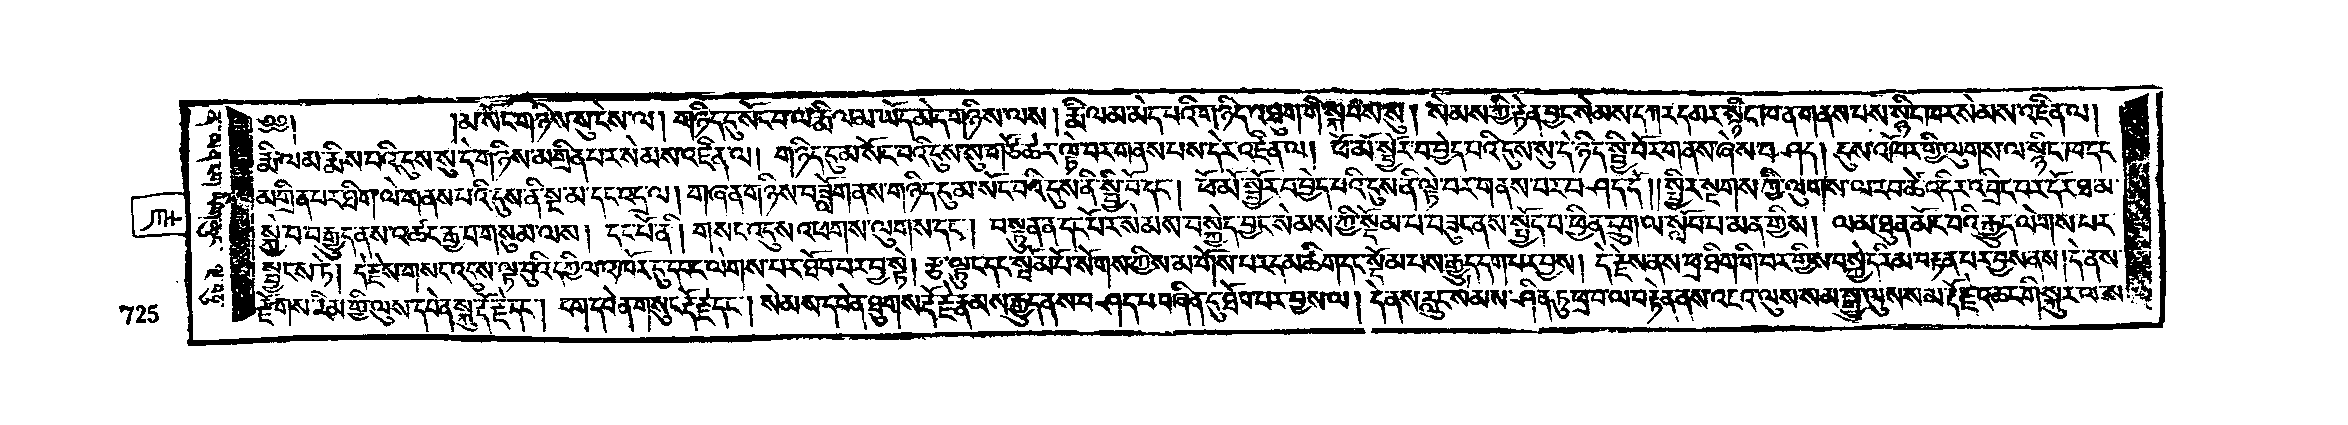༄༅། །མ་སོང་གཉིས་སུ་ངེས་ལ། གཉིད་དུ་སོང་བ་ལ་རྨི་ལམ་ཡོད་མེད་གཉིས་ལས། རྨི་ལམ་མེད་པའི་གཉིད་འཐུག་གི་སྐབས་སུ། སེམས་ཀྱི་རྟེན་བྱང་སེམས་དཀར་དམར་སྙིང་ཁ་ན་གནས་པས་སྙིང་ཁར་སེམས་འཛིན་ལ།
རྨི་ལམ་རྨིས་པའི་དུས་སུ་དེ་གཉིས་མགྲིན་པར་སེམས་འཛིན་ལ། གཉིད་དུ་མ་སོང་བའི་དུས་སུ་གཙོ་ཆེར་ལྟེ་བར་གནས་པས་དེར་འཛིན་ལ། ཕོ་མོ་སྦྱོར་བ་བྱེད་པའི་དུས་སུ་དེ་ཉིད་སྤྱི་བོར་གནས་ཞེས་བཤད། དུས་འཁོར་གྱི་ལུགས་ལ་སྙིང་ཁ་དང་
མགྲིན་པར་ཐིག་ལེ་གནས་པའི་དུས་ནི་སྔ་མ་དང་འདྲ་ལ། གཞན་གཉིས་བཟློག་ནས་གཉིད་དུ་མ་སོང་བའི་དུས་ནི་སྤྱི་བོ་དང་། ཕོ་མོ་སྦྱོར་བ་བྱེད་པའི་དུས་ནི་ལྟེ་བར་གནས་པར་བཤད་དོ། །སྤྱིར་སྔགས་ཀྱི་ལུགས་ལ་རབ་ཚེ་འདིར་འབྲིང་བར་དོར་ཐ་མ་
སྐྱེ་བ་བརྒྱུད་ནས་འཚང་རྒྱ་བ་གསུམ་ལས། དང་པོ་ནི། གསང་འདུས་འཕགས་ལུགས་དང་། བསྟུན་ན་དང་པོར་སེམས་བསྐྱེད་བྱང་སེམས་ཀྱི་སྡོམ་པ་བཟུང་ནས་སྤྱོད་པ་ཕྱིན་དྲུག་ལ་སློབ་པ་མན་གྱིས། ལམ་ཐུན་མོང་བའི་རྒྱུད་ལེགས་པར་
སྦྱངས་ཏེ། དེ་རྗེས་གསང་འདུས་ལྟ་བུའི་དཀྱིལ་འཁོར་དུ་དབང་ལེགས་པར་ཐོབ་པར་བྱ་སྟེ། རྩ་ལྟུང་དང་སྦོམ་པོ་སོགས་ཀྱིས་མ་གོས་པར་དམ་ཚིག་དང་སྡོམ་པས་རྒྱུད་དག་པར་བྱས། དེ་རྗེས་ནས་ཕྲ་ཐིག་གི་བར་གྱིས་བསྐྱེད་རིམ་བརྟན་པར་བྱས་ནས། དེ་ནས་
རྫོགས་རིམ་གྱི་ལུས་དབེན་སྐུ་རྡོ་རྗེ་དང་། ངག་དབེན་གསུང་རྡོ་རྗེ་དང་། སེམས་དབེན་ཐུགས་རྡོ་རྗེ་རྣམས་རྒྱུད་ནས་བཤད་པ་བཞིན་དུ་ཐོབ་པར་བྱས་ལ། དེ་ནས་རླུང་སེམས་ཤིན་ཏུ་ཕྲ་བ་ལ་བརྟེན་ནས་འཇའ་ལུས་སམ་སྒྱུ་ལུས་སམ་རྡོ་རྗེ་འཆང་གི་སྐུར་ལངས་